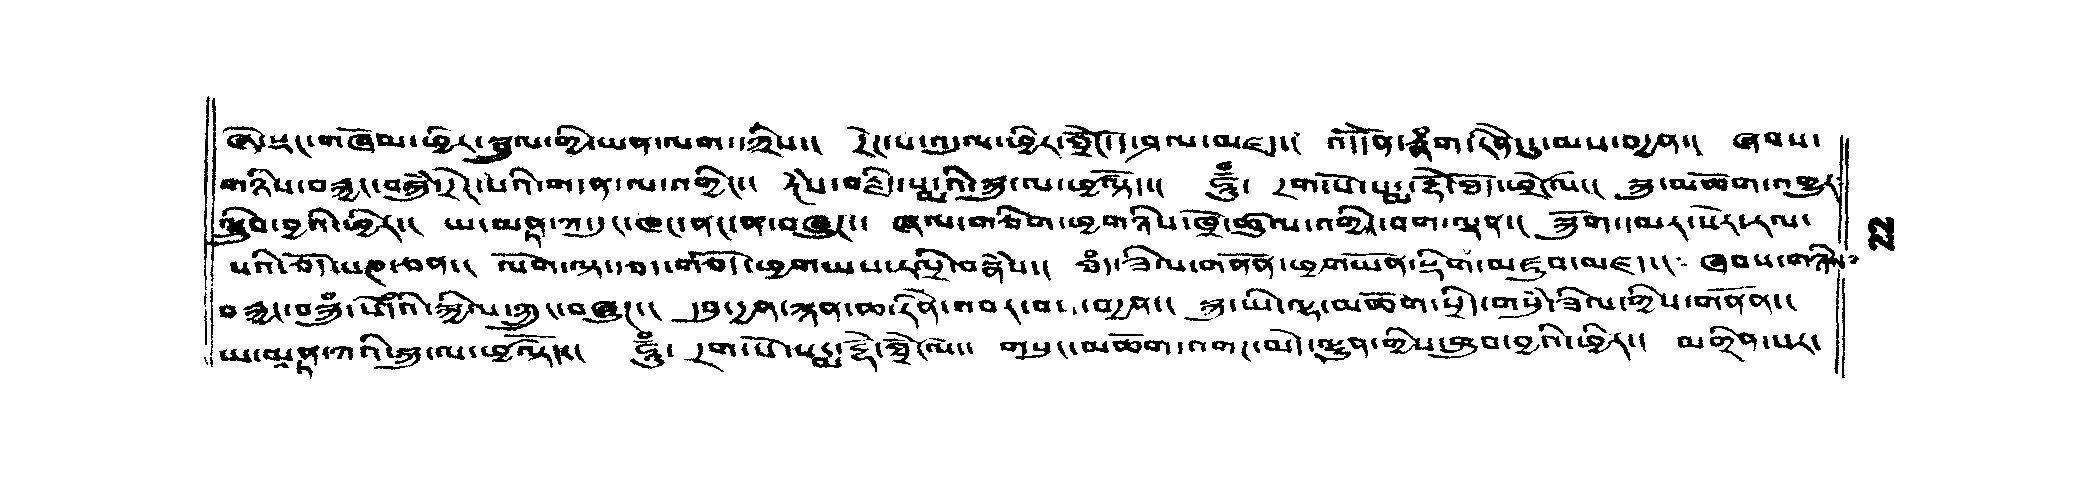ཞེ་སྡང་གཞོམ་ཕྱིར་སྦྲུལ་གྱི་ཡན་ལག་དཀྲིས། །དྲེགས་པ་འདུལ་ཕྱིར་ཐོད་ཕྲེང་དོ་ཤལ་མཛད། །འདོད་དོན་རྣམ་དག་རང་བཞིན་དུ་མས་བརྒྱན། །ཞབས་
གཉིས་བརྐང་བསྐུམ་དྲེགས་པའི་གདན་ལ་འགྱིང་། །རྔམས་བརྗིད་པདྨའི་སྐུ་ལ་ཕྱག་འཚལ་བསྟོད། ། ཧཱུྃ། དྲག་པོ་པདྨ་རྡོ་རྗེ་ཐོད་ཕྲེང་རྩལ། །སྐུ་མཆོག་འགྱུར་
མེད་ལྷུན་གྱིས་གྲུབ་བྱའི་ཕྱིར། །ཡ་མནྟ་ཀ་དུང་ཁང་ནང་ན་བཞུགས། །ཞལ་གཅིག་ཕྱག་གཉིས་ཁྲོ་ཚུལ་འགྱིང་བག་ལྡན། །སྐུ་མདོག་དམར་སེར་རལ་
པའི་ཅོད་པཎ་ཅན། །ལོག་ལྟ་རྩད་གཅོད་ཕྱག་གཡས་རལ་གྲི་བསྣམས། །ཐམས་ཅད་ཟིལ་གནོན་ཕྱག་གཡོན་སྡིག་མཛུབ་མཛད། །ཞབས་གཉིས་
བརྐྱང་བསྐུམ་སེམས་དཔའི་སྐྱིལ་ཀྲུང་བཞུགས། །དབུ་རྒྱན་སྙན་ཆ་རིན་ཆེན་འབར་བས་བརྒྱན། །སྐུ་ཡི་ལྷ་མཆོག་སྲིད་གསུམ་ཟིལ་གྱིས་གནོན། །
ཡ་མནྟ་ཀའི་སྐུ་ལ་ཕྱག་འཚལ་བསྟོད། །ཧཱུྃ། དྲག་པོ་པདྨ་རྡོ་རྗེ་ཐོད་ཕྲེང་རྩལ། །གསུང་མཆོག་འགགས་མེད་ལྷུན་གྱིས་གྲུབ་བྱའི་ཕྱིར། །མགྲིན་པར་